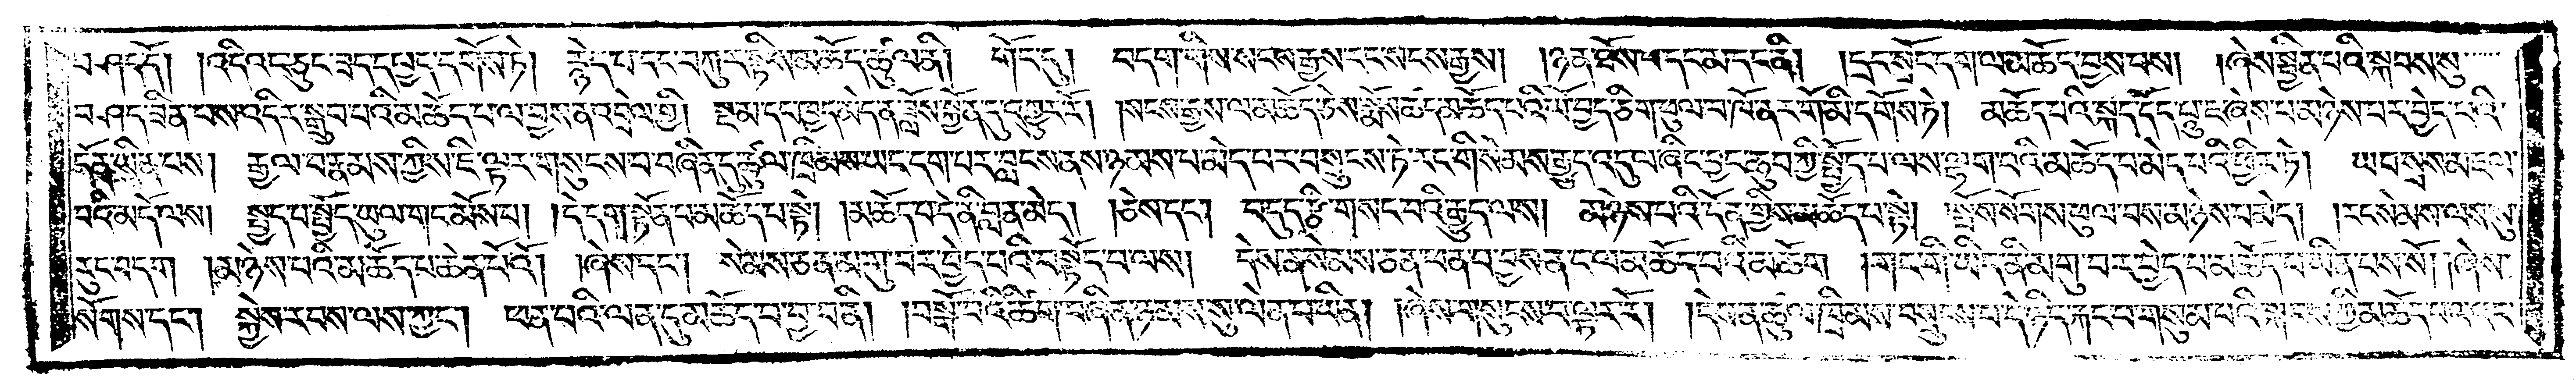བཤད་དོ། །འདིའང་ཅུང་ཟད་དཔྱད་དགོས་ཏེ། རྙེད་པ་དང་བཀུར་སྟིས་མཆོད་ཚུལ་ནི། གོ་བ་དུ། བདག་གིས་སངས་རྒྱས་རང་སངས་རྒྱས། །ཉན་ཐོས་བ་དང་མ་དང་ནི། །དྲང་སྲོང་དག་ལ་མཆོག་བྱས་པས། །ཞེས་སྦྱིན་པའི་སྐབས་སུ་
བཤད་ཟིན་པས་འདིར་སྒྲུབ་པའི་མཆོག་པ་ལ་བྱས་ན་འབྲེལ་གྱི། སྔ་མ་དང་ཁྱད་མེད་ན་ཟློས་སྐྱོན་དུ་འགྱུར་རོ། །སངས་རྒྱས་ལ་མཆོད་ཅེས་སྨོས་ཚད་མཆོད་པའི་ཕོ་བྱད་ཅིག་ཕུལ་བ་ཁོ་ནར་གོ་མི་དགོས་ཏེ། མཆོད་པའི་སྐད་དོད་པཱུ་ཇ་ཞེས་པ་མཉེས་བར་བྱེད་པའི་
དོན་ཡིན་པས། རྒྱལ་བ་རྣམས་ཀྱི་ཇི་ལྟར་གསུངས་པ་བཞིན་དུ་ཚུལ་ཁྲིམས་ཡང་དག་པར་བླངས་ནས་ཉམས་པ་མེད་པར་བསྲུང་ཏེ་རང་གི་སེམས་རྒྱུད་འདུལ་ཞིང་བྱང་ཆུབ་ཀྱི་སྦྱོར་པ་ལས་ལྷག་པའི་མཆོད་པ་མིད་པའི་ཕྱིར་ཏེ། ཡབ་སྲས་མཇལ་
བའི་མདོ་ལས། སྤྱད་པ་སྤྱོད་ཡུལ་གང་མོས་བ། །དེ་དག་སྟོན་པ་མཆོད་པ་སྟེ། །མཆོད་པ་དེ་ནི་བླ་མ་མེད། །ཅེས་དང་། བདུད་རྩི་གསང་བའི་རྒྱུད་ལས། མཉེས་པའི་དོན་གྱིས་མཆོག་པ་སྟེ། །སྤོས་སོགས་ཕུལ་བས་མཉེས་བ་མེད། །རང་སེམས་ལས་སུ་
རུང་བདག །མཉེས་པའི་མཆོད་པ་ཆེན་པོའོ། །ཞེས་དང་། སེམས་ཅན་མགུ་བར་བྱེད་པའི་བསྟོད་པ་ལས། དེས་ན་སེམས་ཅན་ཕན་པ་བྱས་ན་ངལ་མཆོད་པའི་མཆོག །གང་གི་ཡིད་ནི་མགུ་བར་བྱེད་པ་མཆོད་པ་ཡིན་པས་སོ། །ཞེས་
སོགས་དང་། སྐྱེས་རབས་ལས་ཀྱང་། ཕན་པའི་ལན་དུ་མཆོག་པ་བྱ་བ་ནི། །བསྒོ་བའི་ཚིག་བཞིན་ཉམས་སུ་ལེན་པ་ཡིན། །ཞེས་གསུངས་པ་ལྟར་རོ། །དེས་ན་ཚུལ་ཁྲིམས་བསྲུངས་པ་དེ་ཉིད་རྐང་པ་གསུམ་པའི་སྐབས་ཀྱི་མཆོག་པ་ལ་འདྲ་